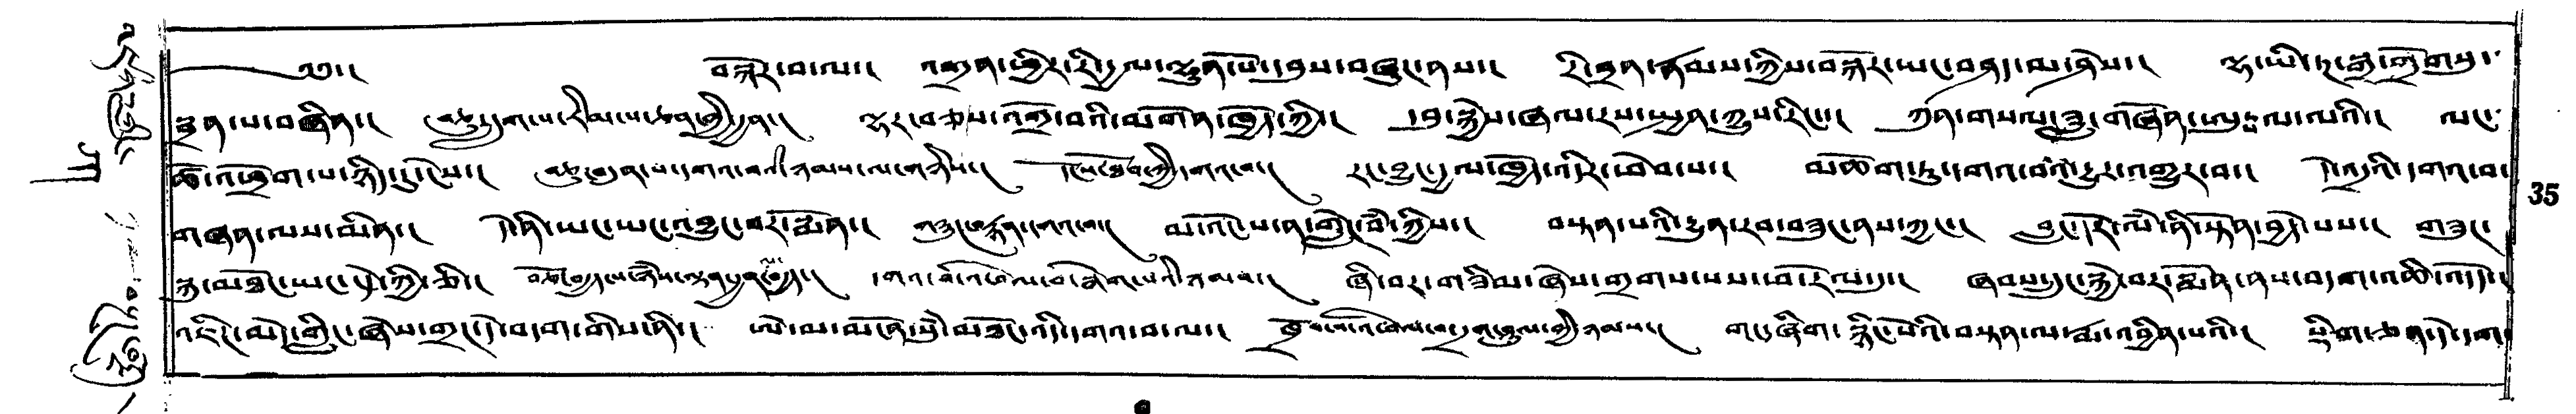བསྐོར་བ་ལ། །འགྲན་ཕྱིར་རི་རྒྱལ་ལྷུན་པོ་དབུས་བཞུགས་ནས། །རི་ཕྲན་རྣམས་ཀྱིས་བསྐོར་ཡང་བཤད་མ་ཤེས། །ལྷ་ཡི་རྔ་སྒྲ་གྲོགས་སུ་
སྦྲན་པ་བཞིན། ། བཅུ་དྲུག་པ་རིམ་པ་ཅན་གྱི་རྒྱན། ལྷར་བཅས་འགྲོ་བའི་མགོན་ཁྱོད་ཀྱི། །དབུ་སྐྱེས་ཞལ་རས་སྤྱན་དཀྱུས་རིང་། །ཀུན་གསལ་ཟླ་གཞོན་ཨུཏྤལ་ལའི། །ལང་
ཚོ་འཕྲོག་པ་ཉིད་དུ་ངེས། ། བཅུ་བདུན་པ་དགའ་བའི་ཉམས་ལ་གཉིས་ལས། དངོས་ཐོབ་ཀྱི་དགའ་བ། རང་བྱུང་རྒྱལ་ཁྱོད་འདིར་ཕེབ་པ། །མཆོག་ཏུ་དགའ་བའི་རྒྱུར་འགྱུར་བ། །དེ་འདྲའི་དགའ་བ་
གཞན་ལས་མིན། །དེ་ནི་ཡང་ཡང་འབྱུང་བར་སྨོན། ། གཟུགས་བརྙན་དགའ་བ། མ་འོངས་པ་ན་གླེགས་བམ་ཀྱིས། །བསྟན་པའི་རྒྱུན་རབ་བཟུང་ནས་ཀྱང་། །བླང་དོར་ལམ་ནི་སྟོན་བྱེད་པས། །གཟུགས་
སྐུ་མཐོང་ཡང་ངེད་ཀྱི་ཅི། ། བཅོ་བརྒྱད་པ་ཉམས་ལྡན་གྱི་རྒྱན་ལ་བརྒྱད་ཡོད་པ་ལས། དགའ་བ་འཕེལ་བ་སྒེག་པའི་ཉམས། ཞི་བར་གཟིམས་ཞེས་གྲགས་པས་ཕ་རོལ་དུ། །ཞབས་དྲུང་སྐྱེ་བར་སྨོན་ནས་བདག་འཆི་འདོད། །
འཇིགས་མེད་གླིང་ཞེས་གྲགས་དེ་བདག་གིས་ནི། །ཨེ་མ་མངོན་སུམ་མཐོང་འདི་དགའ་བ་ལ། ། ཁྲོ་བ་འཕེལ་བ་དྲག་ཤུལ་གྱི་ཉམས། གང་ཞིག་སྙིང་པོའི་བསྟན་ལ་རྨ་འབྱིན་པའི། །སྡིག་ཅན་དེ་དག་